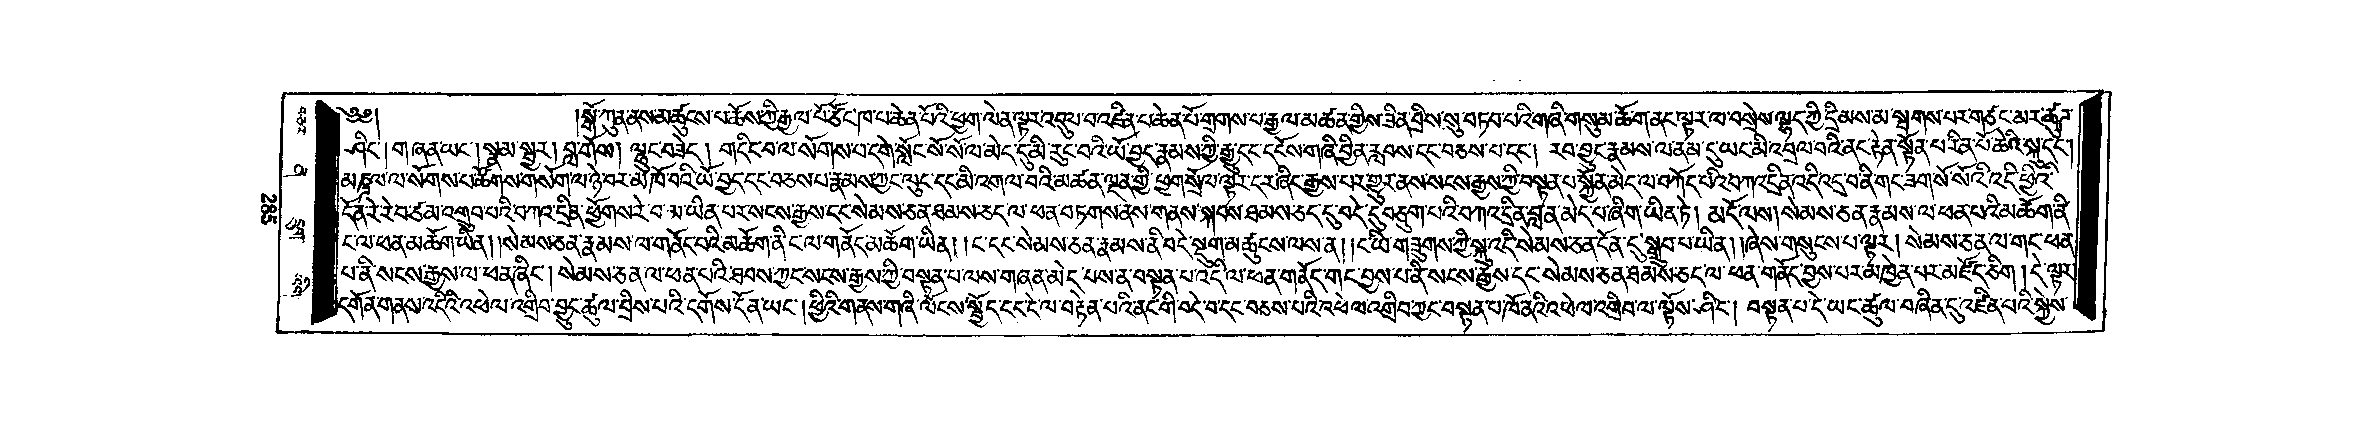༄༅། །སྒོ་ཀུན་ནས་མཚུངས་པ་ཆོས་ཀྱི་རྒྱལ་པོ་ཙོང་ཁ་པ་ཆེན་པོའི་ཕྱག་ལེན་ལྟར་འདུལ་བ་འཛིན་པ་ཆེན་པོ་གྲགས་པ་རྒྱལ་མཚན་གྱིས་ཟིན་བྲིས་སུ་བཏབ་པའི་གཞི་གསུམ་ཆོ་ག་ནང་ལྟར་ལ་བསྲེས་ལྷད་ཀྱི་དྲི་མས་མ་སྦགས་པར་གཙང་མར་ཚུགས་
ཤིང་། གཞན་ཡང་། སྣམ་སྦྱར། བླ་གོས། ལྷུང་བཟེད། གདིང་བ་ལ་སོགས་པ་དགེ་སློང་སོ་སོ་ལ་མེད་དུ་མི་རུང་བའི་ཡོ་བྱད་རྣམས་ཀྱི་རྒྱུ་དང་དངོས་གཞི་བྱིན་རླབས་དང་བཅས་པ་དང་། རབ་བྱུང་རྣམས་ལ་ནམ་དུ་ཡང་མི་འབྲལ་བའི་ནང་རྟེན་སྟོན་པ་རིན་པོ་ཆེའི་སྐུ་དང་།
མཎྜལ་ལ་སོགས་པ་ཚོགས་གསོག་ལ་ཉེ་བར་མཁོ་བའི་ཡོ་བྱད་དང་བཅས་པ་རྣམས་ཀྱང་ལུང་དང་མི་འགལ་བའི་མཚན་ལྡན་གྱི་ཕྱག་སྲོལ་ལྟར་དར་ཞིང་རྒྱས་པར་གྱུར་ནས་སངས་རྒྱས་ཀྱི་བསྟན་པ་སྐྱོན་མེད་ལ་བཀོད་པའི་བཀའ་དྲིན་འདི་འདྲ་བ་ནི་གང་ཟག་སོ་སོའི་འདི་ཕྱིའི་
དོན་རེ་རེ་བ་ཙམ་འགྲུབ་པའི་བཀའ་དྲིན་ཕྱོགས་རེ་བ་མ་ཡིན་པར་སངས་རྒྱས་དང་སེམས་ཅན་ཐམས་ཅད་ལ་ཕན་བཏགས་ནས་གནས་སྐབས་ཐམས་ཅད་དུ་བདེ་དུ་བཅུག་པའི་བཀའ་དྲིན་བླ་ན་མེད་པ་ཞིག་ཡིན་ཏེ། མདོ་ལས། སེམས་ཅན་རྣམས་ལ་ཕན་པའི་མཆོག་ནི་
ང་ལ་ཕན་མཆོག་ཡིན། །སེམས་ཅན་རྣམས་ལ་གནོད་པའི་མཆོག་ནི་ང་ལ་གནོད་མཆོག་ཡིན། །ང་དང་སེམས་ཅན་རྣམས་ནི་བདེ་སྡུག་མཚུངས་ལས་ན། །ང་ཡི་གཟུགས་ཀྱི་སྐུ་འདི་སེམས་ཅན་དོན་དུ་སྒྲུབ་པ་ཡིན། །ཞེས་གསུངས་པ་ལྟར། སེམས་ཅན་ལ་གང་ཕན་
པ་ནི་སངས་རྒྱས་ལ་ཕན་ཞིང་། སེམས་ཅན་ལ་ཕན་པའི་ཐབས་ཀྱང་སངས་རྒྱས་ཀྱི་བསྟན་པ་ལས་གཞན་མེད་པས་ན་བསྟན་པ་འདི་ལ་ཕན་གནོད་གང་བྱས་པ་ནི་སངས་རྒྱས་དང་སེམས་ཅན་ཐམས་ཅད་ལ་ཕན་གནོད་བྱས་པར་མཁྱེན་པར་མཛོད་ཅིག །དེ་ལྟར་
དགོན་གནས་འདིའི་འཕེལ་འགྲིབ་བྱུང་ཚུལ་བྲིས་པའི་དགོས་དོན་ཡང་། ཕྱིའི་གནས་གཞི་ལོངས་སྤྱོད་དང་དེ་ལ་བརྟེན་པའི་ནང་གི་བདེ་བ་དང་བཅས་པའི་འཕེལ་འགྲིབ་ཀྱང་བསྟན་པ་ཁོ་ནའི་འཕེལ་འགྲིབ་ལ་ལྟོས་ཤིང་། བསྟན་པ་དེ་ཡང་ཚུལ་བཞིན་དུ་འཛིན་པའི་སྐྱེས་